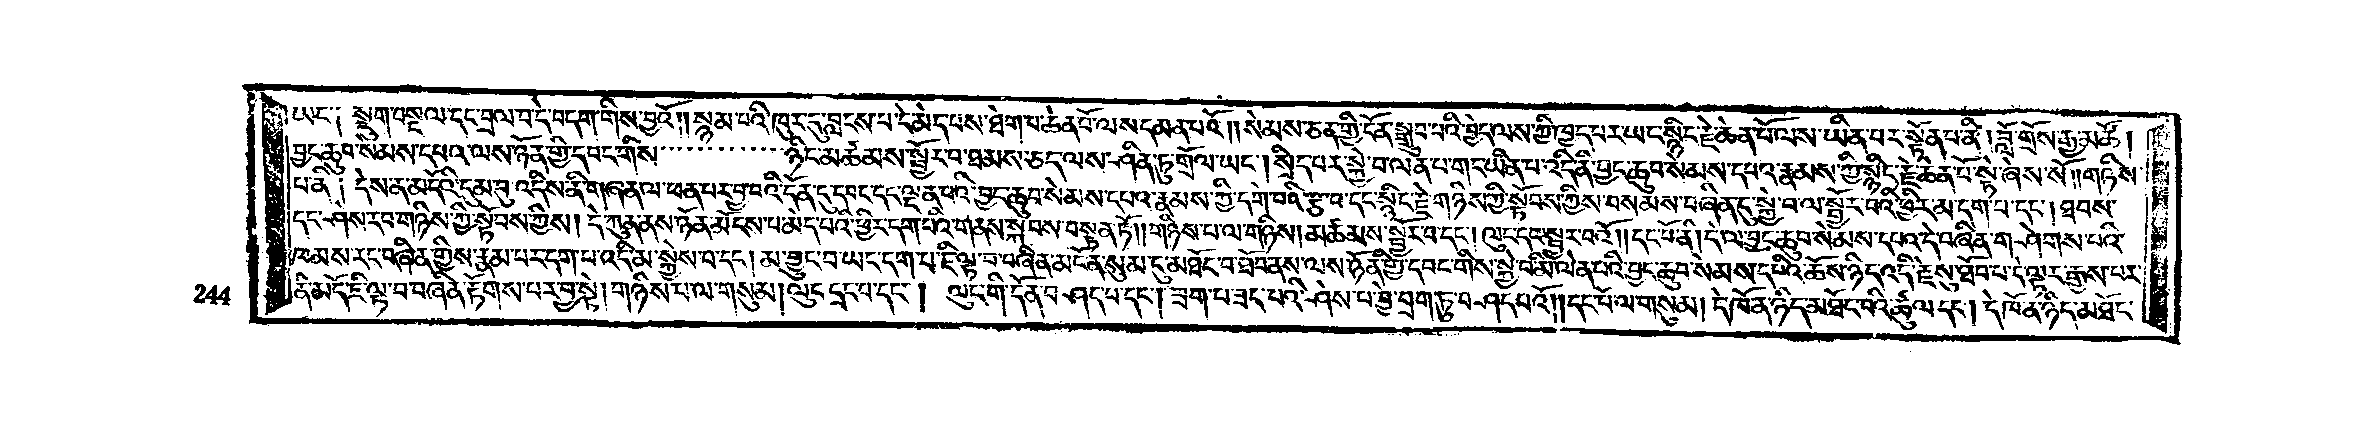ཡང༑ སྡུག་བསྔལ་དང་བྲལ་བ་དེ་བདག་གིས་བྱའོ། །སྙམ་པའི་ཁུར་དུ་བླངས་པ་དེ་མེད་པས་ཐེག་པ་ཆེན་པོ་ལས་དམན་པའོ། །སེམས་ཅན་གྱི་དོན་སྒྲུབ་པའི་བྱེད་ལས་ཀྱི་ཁྱད་པར་ཡང་སྙིང་རྗེ་ཆེན་པོ་ལས་ཡིན་པར་སྟོན་པ་ནི། བློ་གྲོས་རྒྱ་མཚོ།
བྱང་ཆུབ་སེམས་དཔའ་ལས་ཉོན་གྱི་དབང་གིས་ཉིང་མཚམས་སྦྱོར་བ་ཐམས་ཅད་ལས་ཤིན་ཏུ་གྲོལ་ཡང་། སྲིད་པར་སྐྱེ་བ་ལན་པ་གང་ཡིན་པ་འདི་ནི་བྱང་ཆུབ་སེམས་དཔའ་རྣམས་ཀྱི་སྙིང་རྗེ་ཆེན་པོ་སྟེ་ཞེས་སོ། །གཉིས་
པ་ནི། དེས་ན་མདོའི་དུམ་བུ་འདིས་ནི་གཞན་ལ་ཕན་པར་བྱ་བའི་དོན་དུ་དབང་དང་ལྡན་པའི་བྱང་ཆུབ་སེམས་དཔའ་རྣམས་ཀྱི་དགེ་བའི་རྩ་བ་དང་སྙིང་རྗེ་གཉིས་ཀྱི་སྟོབས་ཀྱིས་བསམས་བཞིན་དུ་སྐྱེ་བ་ལ་སྦྱོར་བའི་ཕྱིར་མ་དག་པ་དང་། ཐབས་
དང་ཤེས་རབ་གཉིས་ཀྱི་སྟོབས་ཀྱིས། དེ་ཀུན་ནས་ཉོན་མོངས་པ་མེད་པའི་ཕྱིར་དག་པའི་གནས་སྐབས་བསྟན་ཏོ། །གཉིས་པ་ལ་གཉིས། མཚམས་སྦྱོར་བ་དང་། ལུང་དང་སྦྱར་བའོ། །དང་པོ་ནི། དེ་ལ་བྱང་ཆུབ་སེམས་དཔའ་དེ་བཞིན་གཤེགས་པའི་
ཁམས་རང་བཞིན་གྱིས་རྣམ་པར་དག་པ་འདི་མ་སྐྱེས་པ་དང་། མ་བྱུང་བ་ཡང་དག་པ་ཇི་ལྟ་བ་བཞིན་མངོན་སུམ་དུ་མཐོང་བ་ཐོབ་ནས་ལས་ཉོན་གྱི་དབང་གིས་སྐྱེ་བ་མི་ལེན་པའི་བྱང་ཆུབ་སེམས་དཔའི་ཆོས་ཉིད་འདི་རྗེས་སུ་ཐོབ་པ་དེ་ལྟར་རྒྱས་པར་
ནི་མདོ་ཇི་ལྟ་བ་བཞིན་རྟོགས་པར་བྱ་སྟེ། གཉིས་པ་ལ་གསུམ། ལུང་དྲང་བ་དང་། ལུང་གི་དོན་བཤད་པ་དང་། ཟག་པ་ཟད་པའི་ཤེས་པ་བྱེ་བྲག་ཏུ་བཤད་པའོ། །དང་པོ་ལ་གསུམ། དེ་ཁོ་ན་ཉིད་མཐོང་བའི་ཚུལ་དང་། དེ་ཁོ་ན་ཉིད་མཐོང་